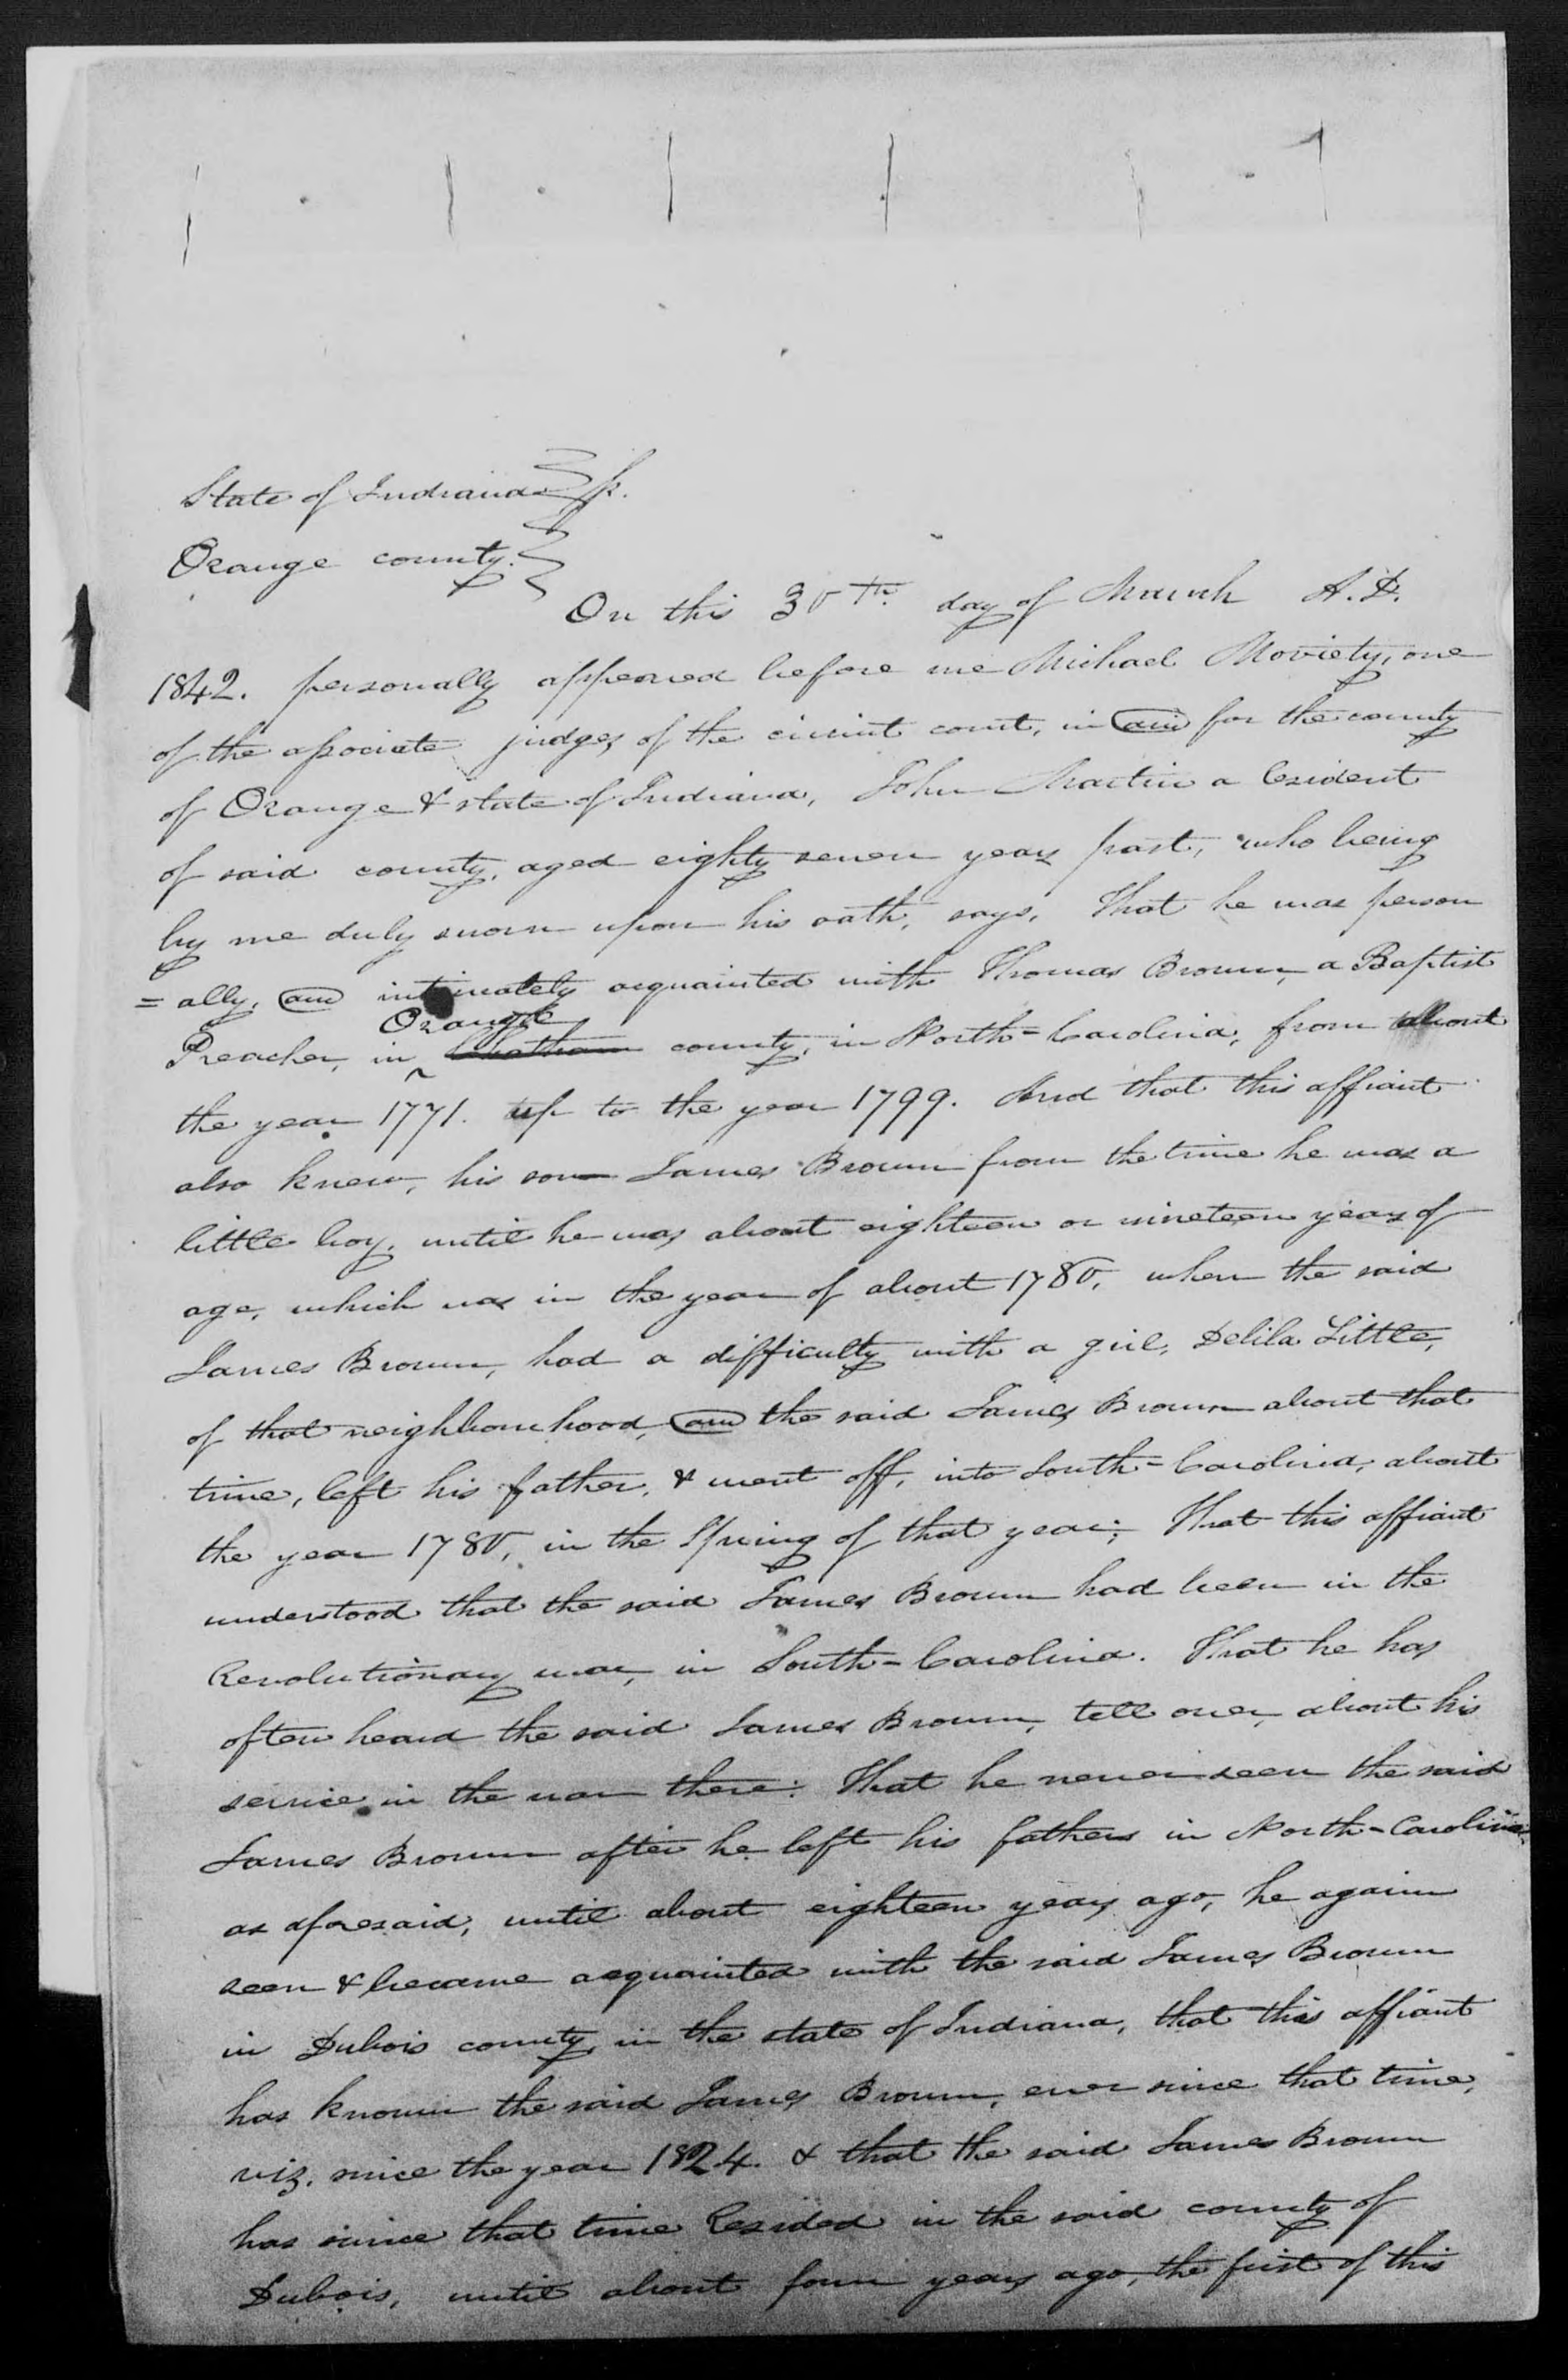State of Indiana Orange County 
On this 30th day of March A.D. 1842 personally appeared before me Michael Mavity, one of the
associate Judges of the circuit court, in and for the County of Orange & state of Indiana, John Martin a resident of said county, aged eighty seven years past, who being by me duly sworn upon his oath, says, that he was personally and intimately acquainted with Thomas Brown a Baptist Preacher, in Orange County in North Carolina, from about the year 1771 up to the year 1799. And that this affiant also knew, his son James Brown from the time he was a
little boy, until he was about eighteen or nineteen years of age, which was in the year of about 1780, when the said James Brown had a difficulty with a girl, Delila Little of that neighborhood, and the said James Brown about that time, left his father, & went off, into South Carolina, about
the year 1780, in the Spring of that year; that this affiant understood that the said James Brown had been in the Revolutionary war in South Carolina. That he has often heard the said James Brown, tell over about his
service in the war there. That he never seen the said James Brown after he left his father in North Carolina
as aforesaid, until about eighteen years ago, he again seen & became acquainted with the said James Brown in Dubois County, in the State of Indiana, that this affiant has known the said James Brown, ever since that time, viz since the year 1824 & that the said James Brown has since that time resided in the said County of
Dubois, until about four years ago, the first of this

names: James Brown, James Brown, Michael Moviety, James Brown, John Martin, James Brown, James Brown, James Brown, James Brown, James Brown, James Brown, Thomas Brown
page: 16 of 41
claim: rejected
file: R. 1309, James Brown, S.C.